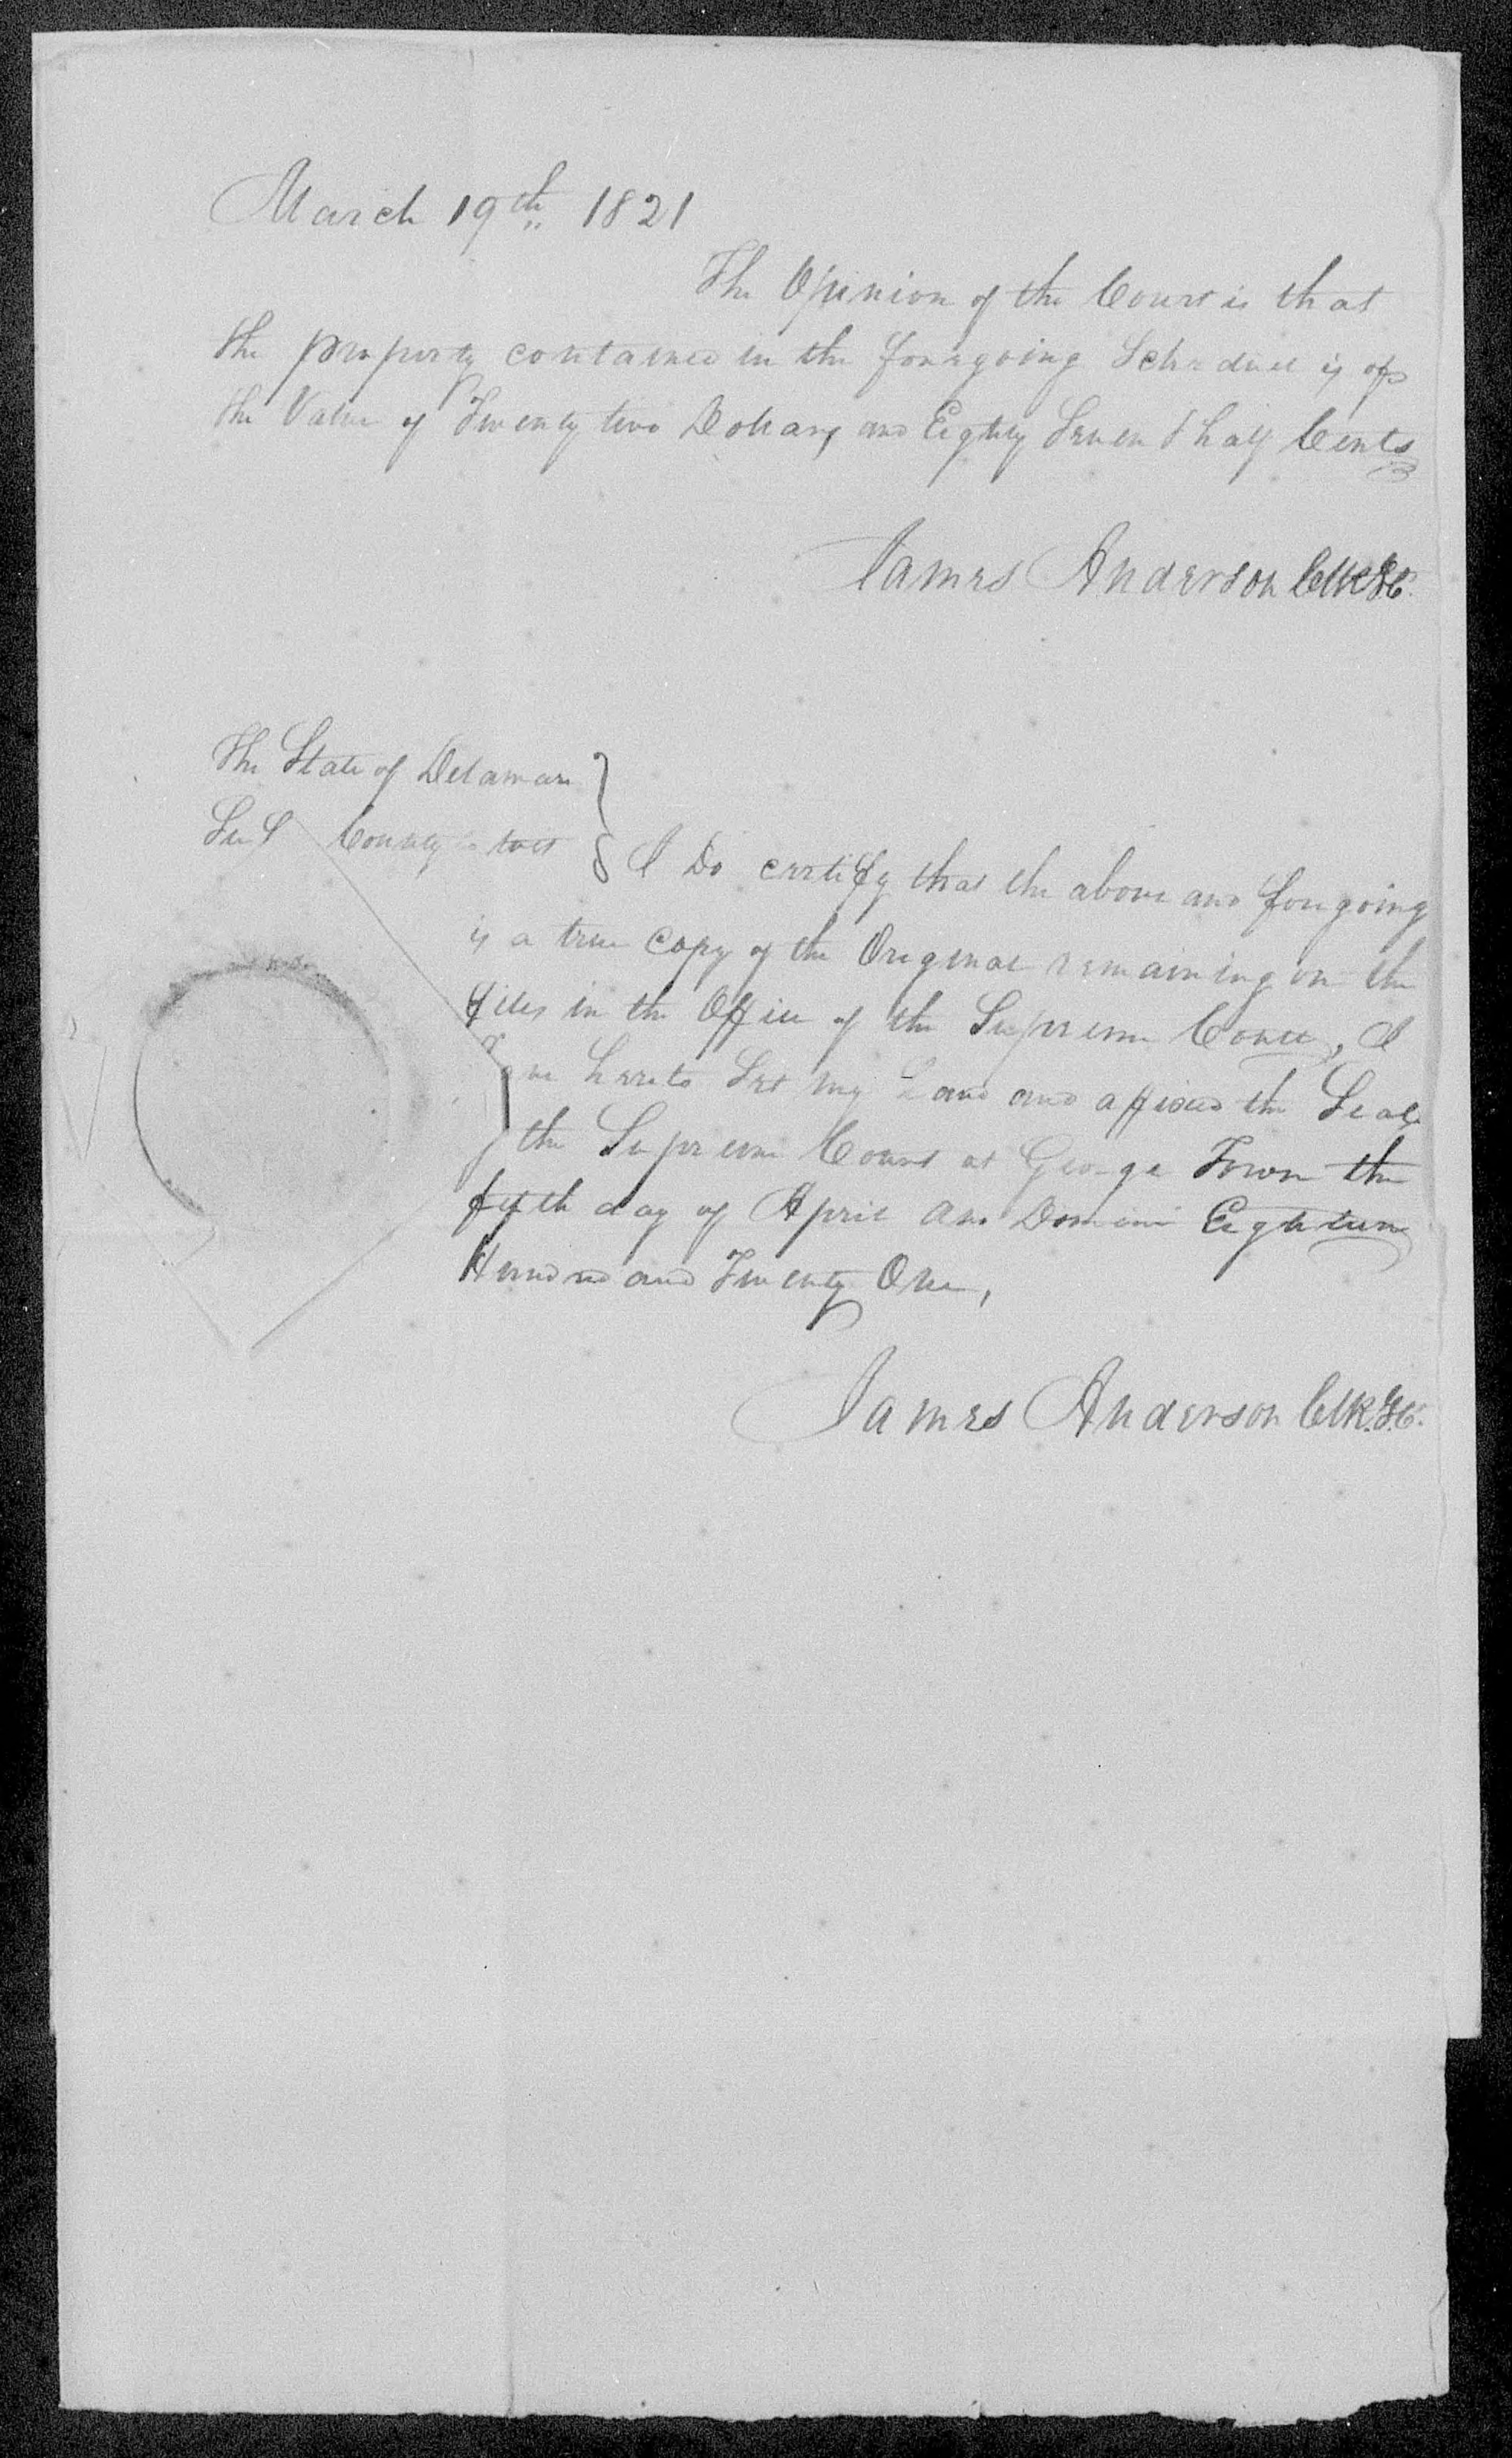March 19th 1821
The opinion of the Court is that
the property contained in the foregoing Schedule is of
the value of Twenty two Dollars and Eighty Seven & half Cents
James Anderson Clk Ge

the State of Delaware
[illegible - words partially obscured and partially faint - I believe one is "county"]
I do certify that the above and foregoing
is a true copy of the Original remaining on the
files in the Office of the Supreme Couty, I
[illegible, obscured] hereto set my hand and affixed the Seal
[illegible, obscured] the Supreme Court at George Town the
fifth day of April anno domino Eighteen
Hundred and Twenty one,
James Anderson Clk Ge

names: James Anderson, James Anderson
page: 12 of 21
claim: survivor's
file: S. 36017, Major Hitchens, Del.